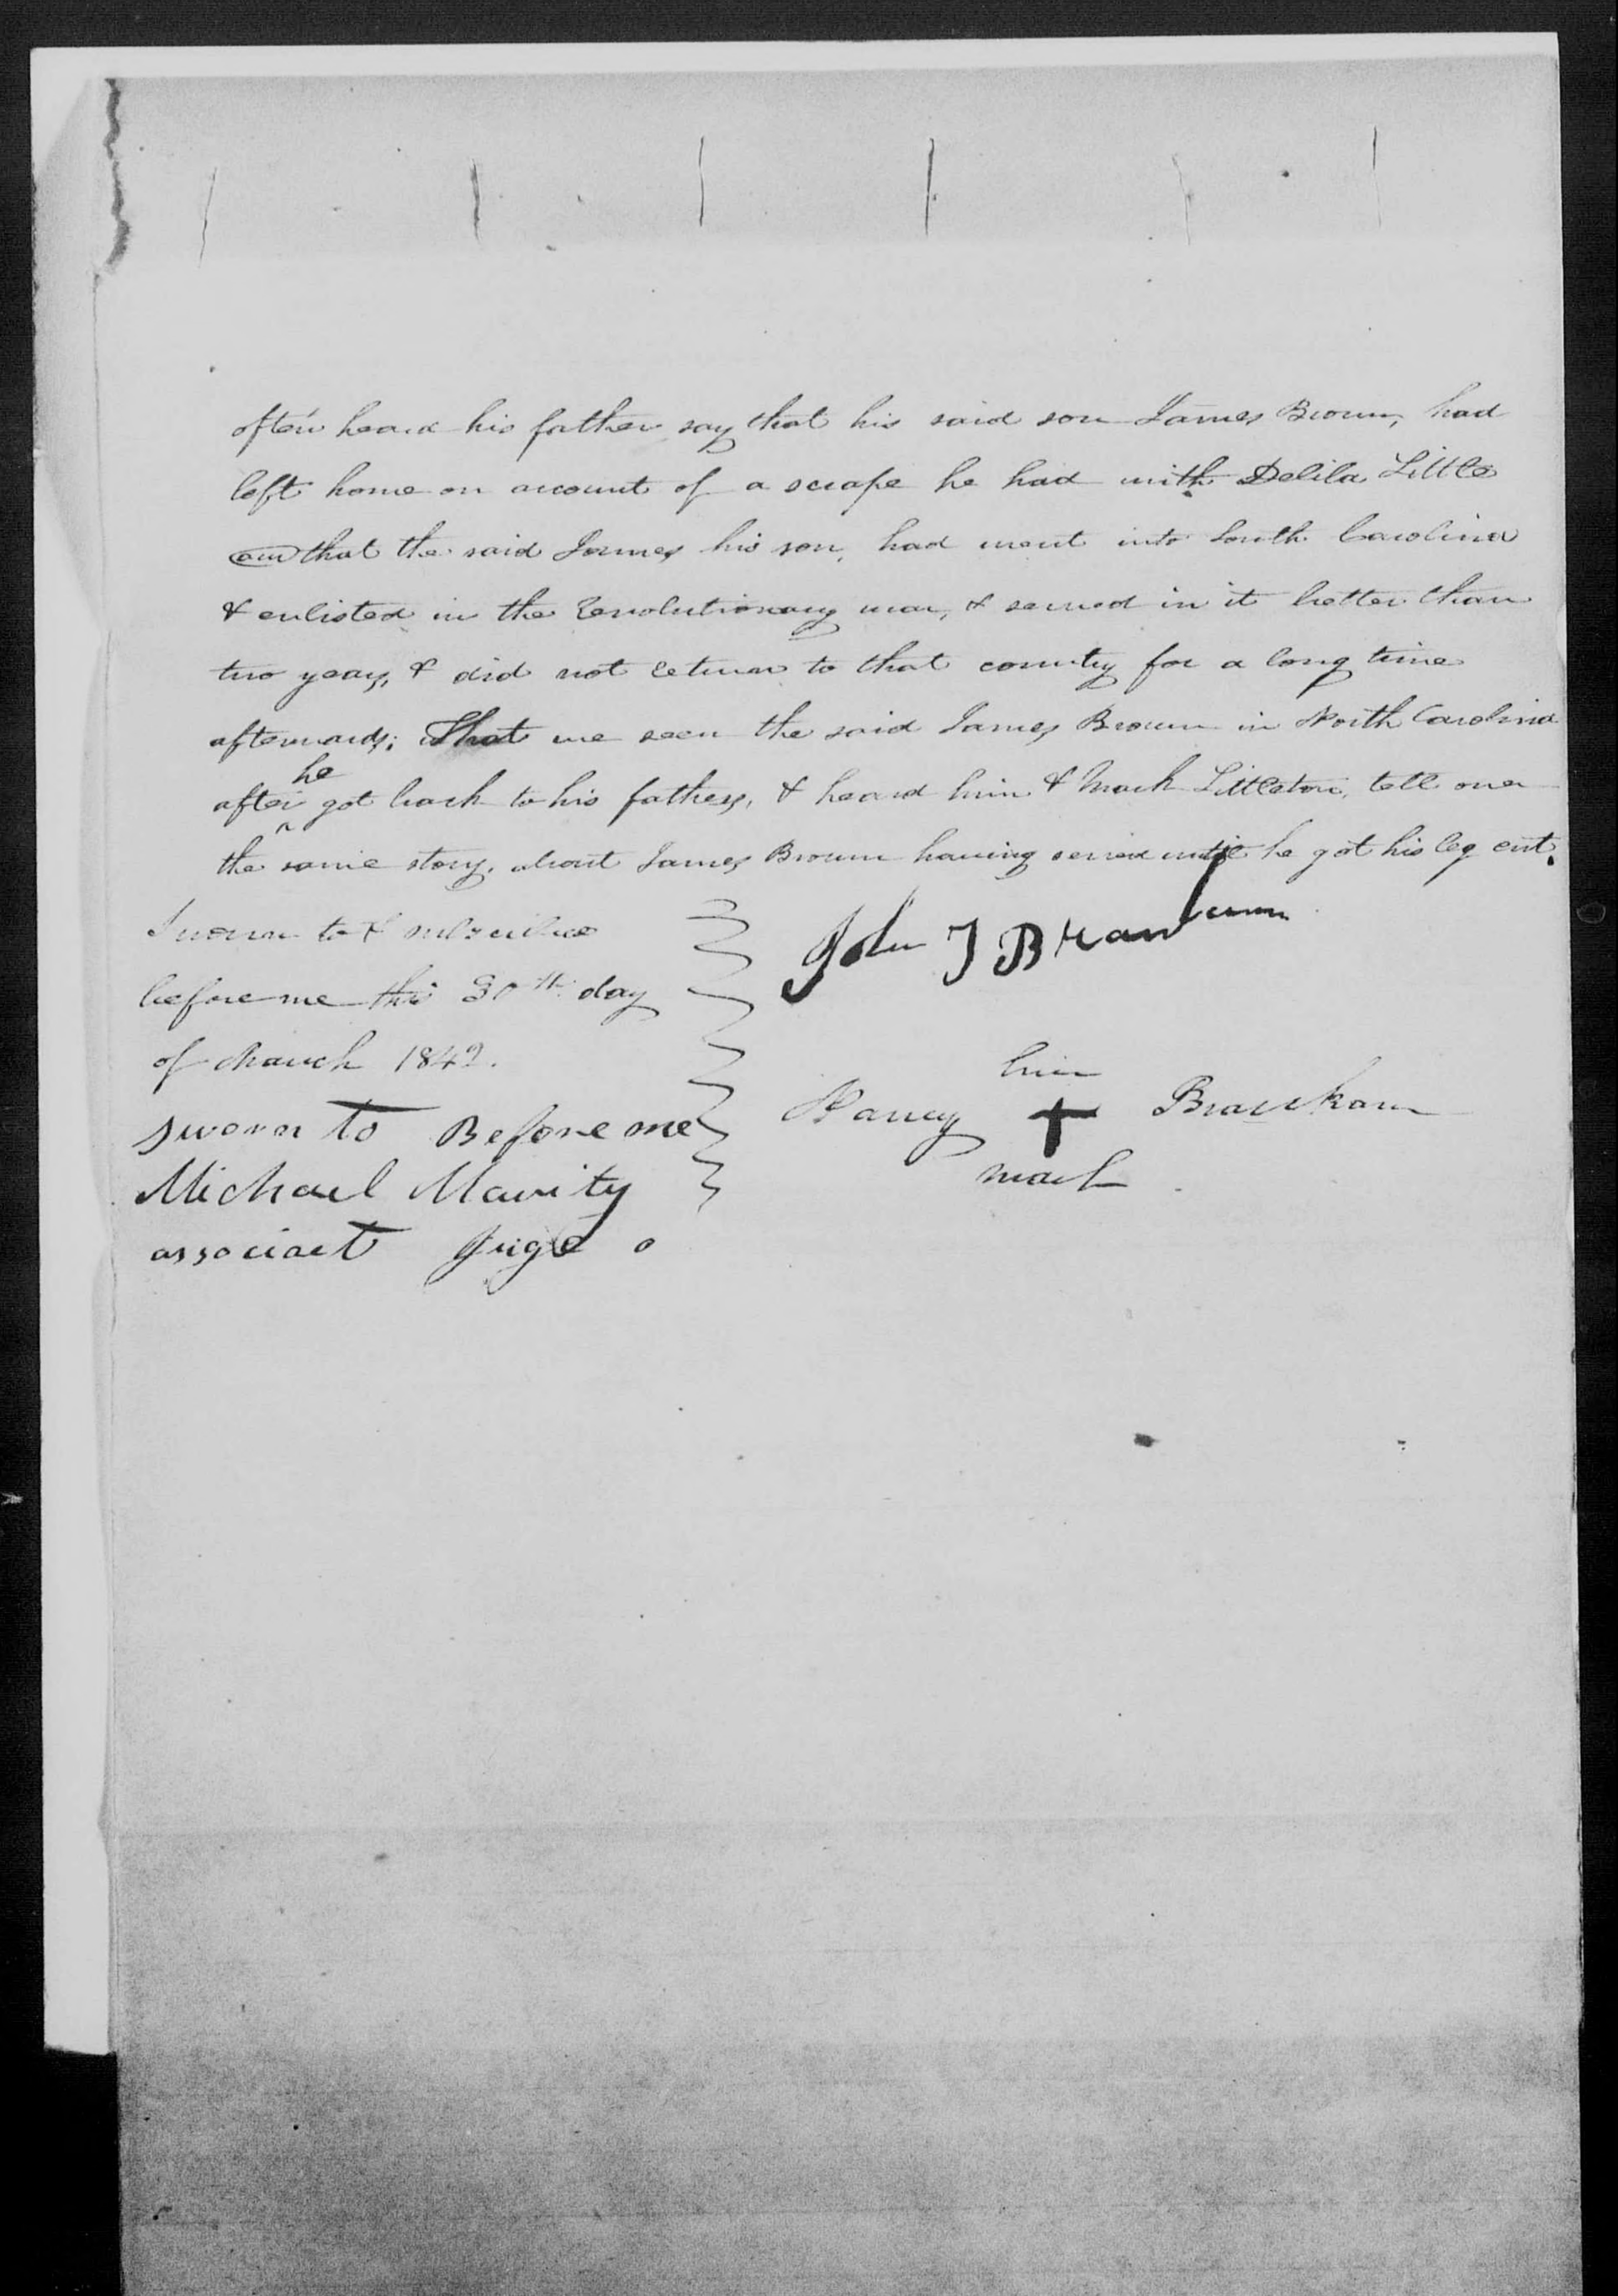often heard his father say that his said son James Brown, had left home on account of a scrape he had with Delila Little that the said James his son had went into South Carolina
& enlisted in the Revolutionary war, & served in it better than two years, & did not return to that country for a long time afterwards; That we seen the said James Brown in North Carolina got back to his fathers, & heard him & Mack Littleton, tell one
the same story about James Brown having served until he got his leg cut.
s/ John T Branham
Nancy Branham X her mark
Sworn to & subscribed before me this 30th day of March 1842.
s/ Michael Mavity associate Judge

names: John T Branham, James Brown, Delila Little, James Brown, Michael Mavity, James, Nancy Branham, James Brown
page: 15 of 41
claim: rejected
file: R. 1309, James Brown, S.C.